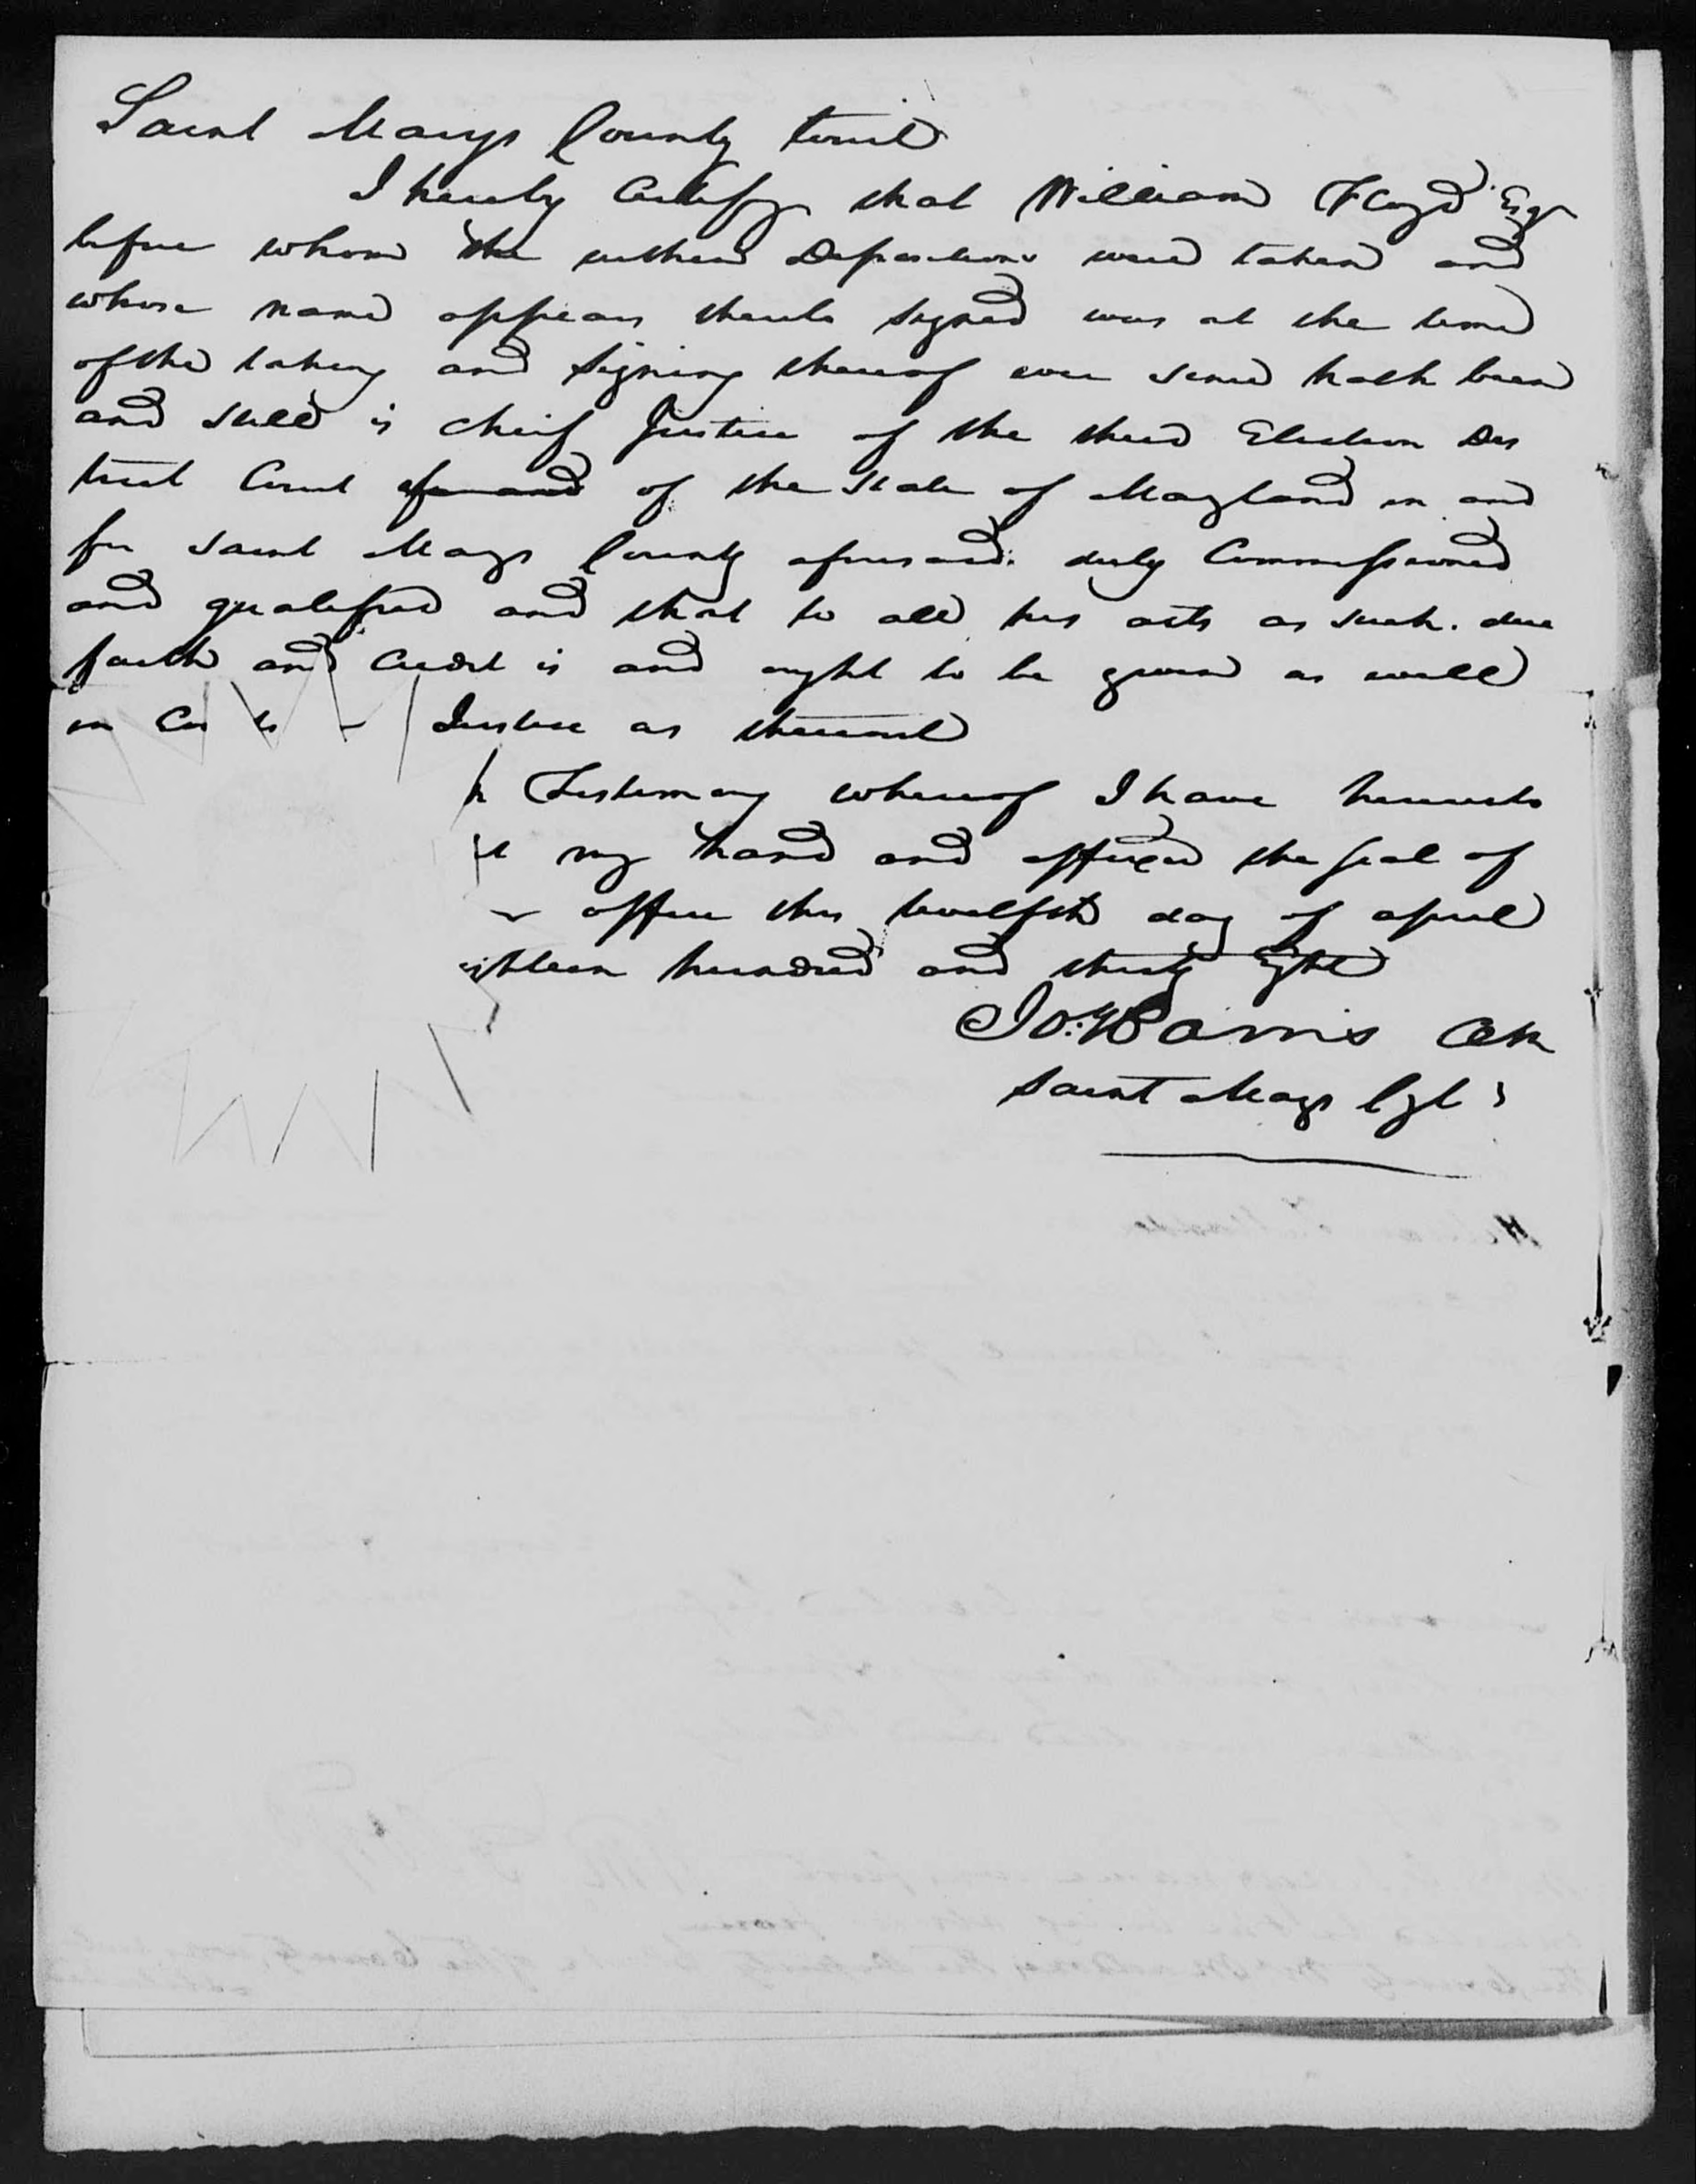Saint Marys County towit I hereby certify that William Floyd Esq before whom the within Depositions were taken and whose name appears thereto signed was at the time of the taking and Signing thereof ever since hath been and since is chief Justice of the third Election is trust Court of of the State of Maryland in and for said Mays County aforesaid duly commissioned and qualified and that to all his acts as such due faith and credit is and ought to be given as well ------ [blocked by seal] Justice as therewith ------ [blocked by seal] Testimony whereof I have hereunto ------ [blocked by seal] my hand and affixed the seal of ------ [blocked by seal] office this twelfth day of April eighteen hundred and thirty J. Harris [illegible] Saint Marys County.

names: Jo Harris, William Floyd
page: 12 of 49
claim: survivor's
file: S. 12755, George Dent, Md.